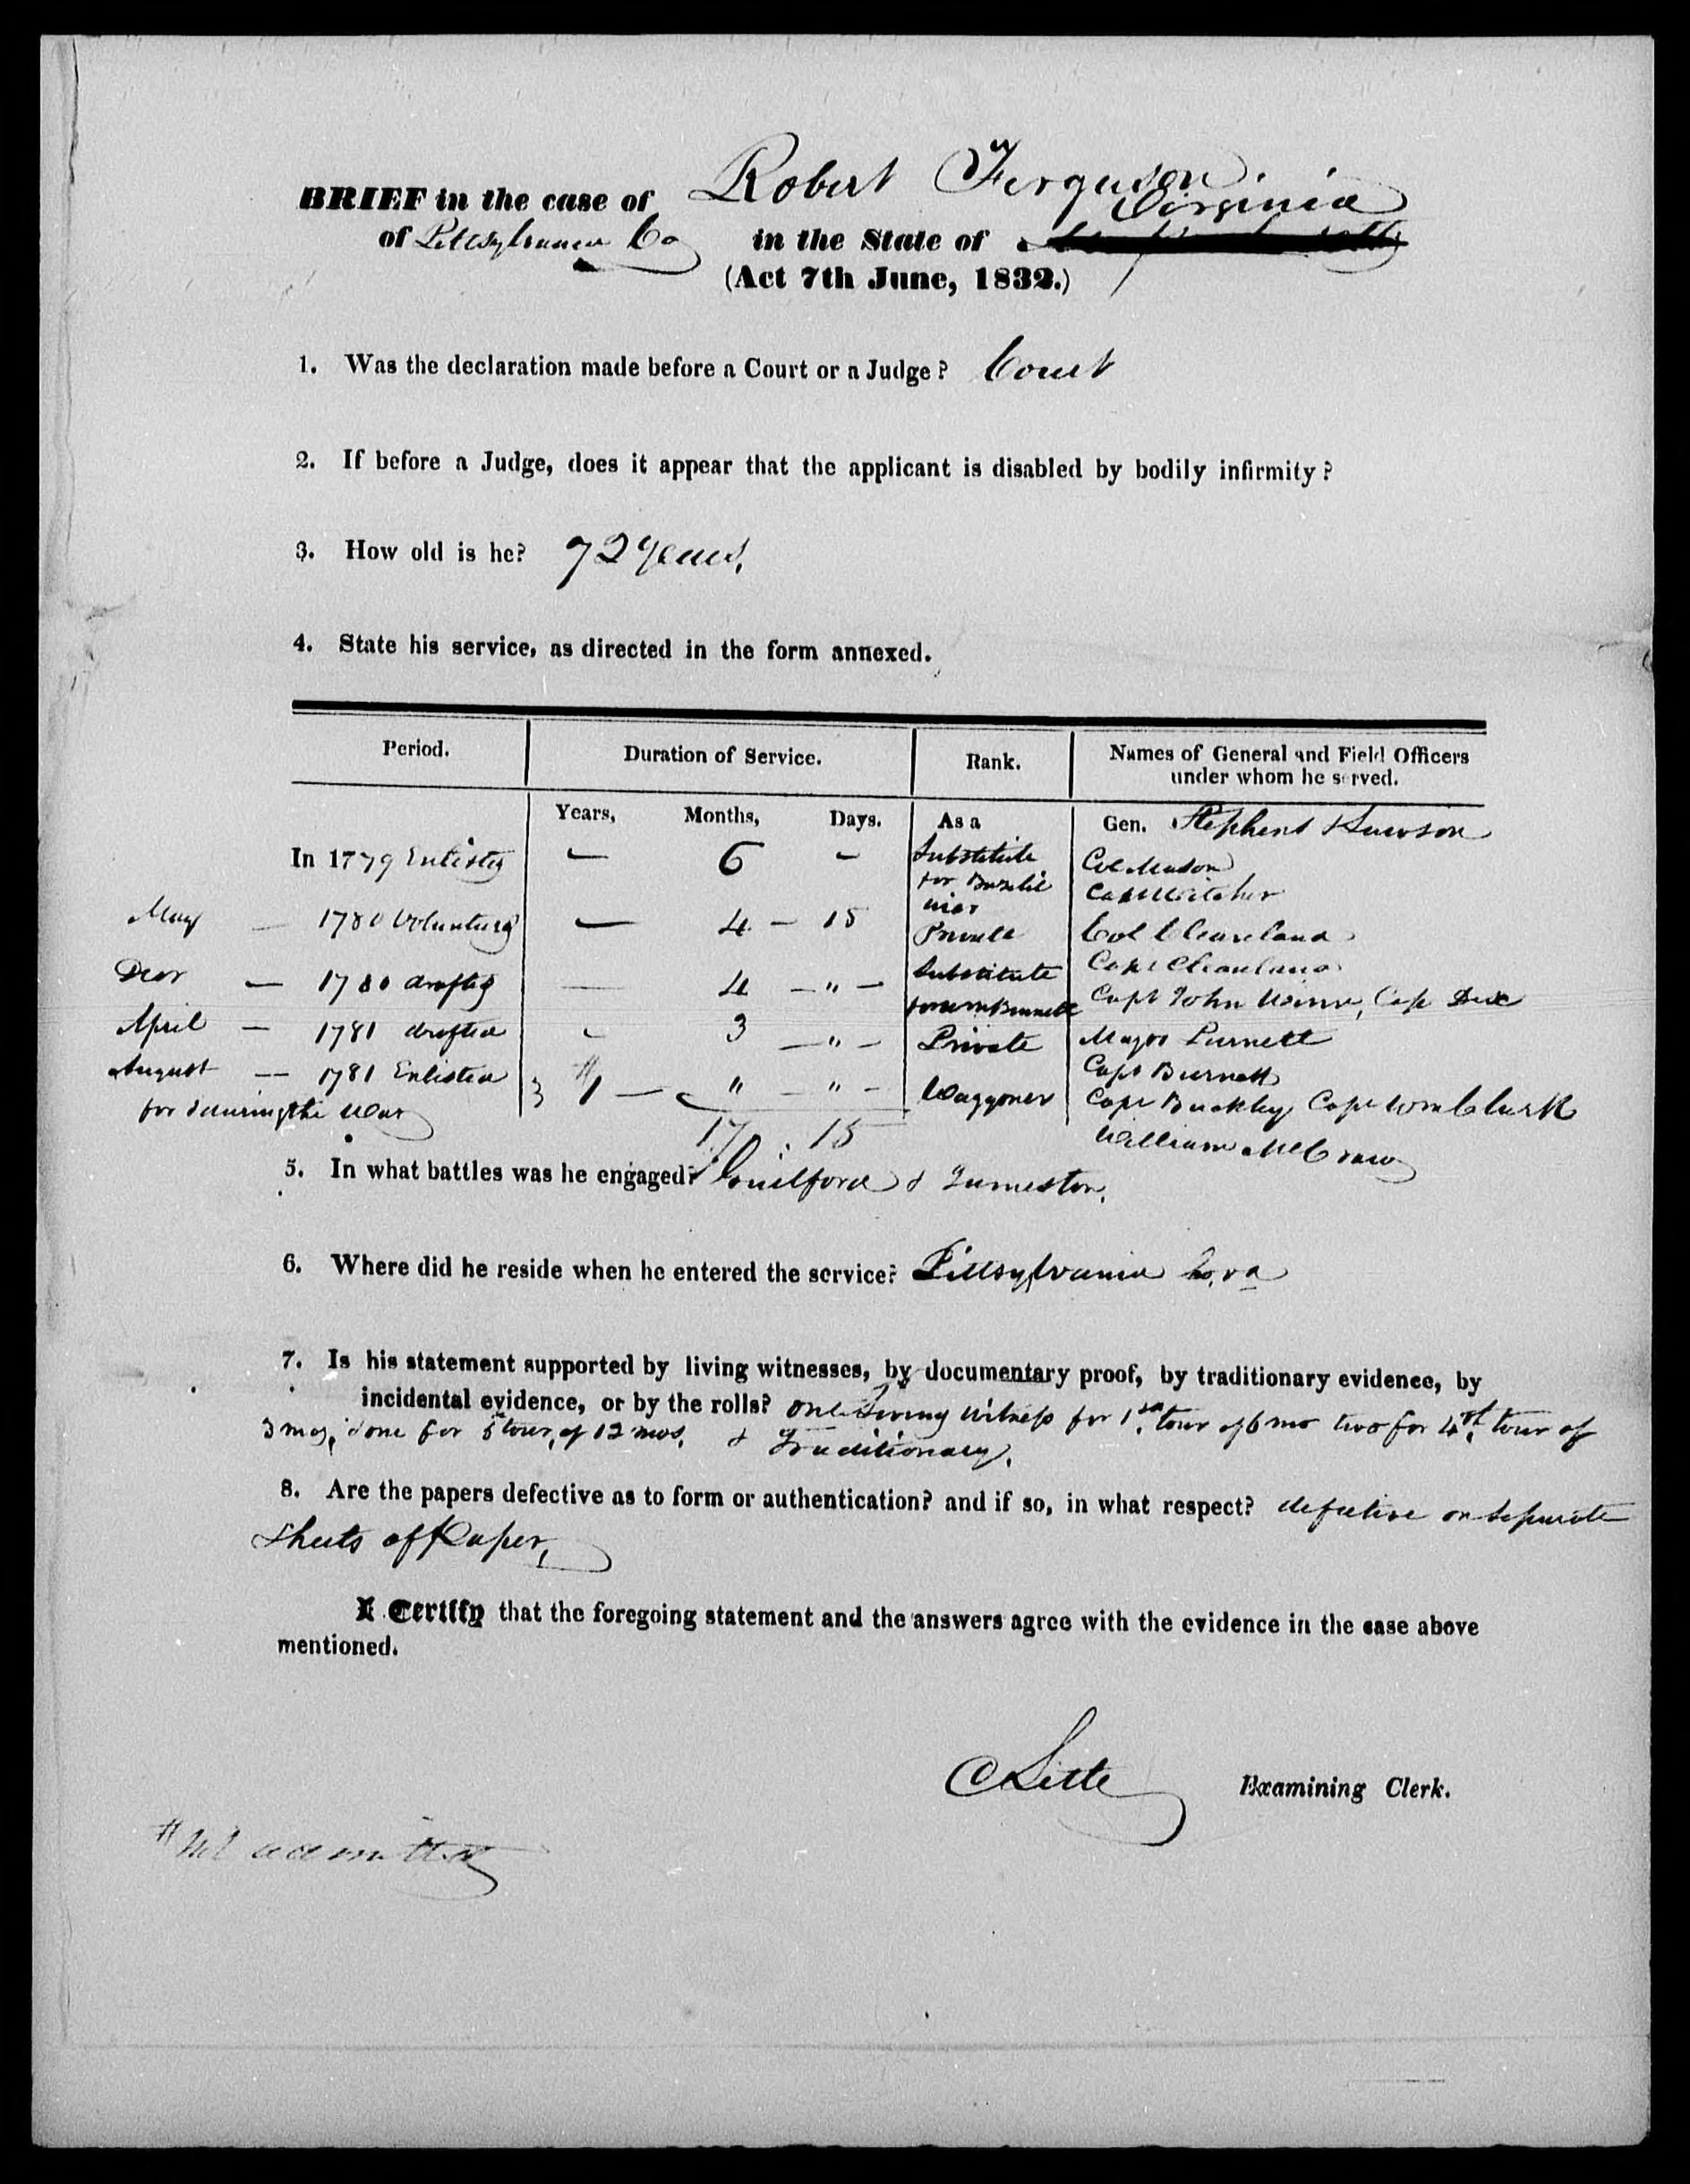BRIEF in the case of Robert Ferguson of Pittsylvania Co. in the State of Virginia (Act 7th June, 1832).

1. Was the declaration made before a Court or a Judge? 
Court

2. If before a Judge, does it appear that the applicant is disabled by bodily infirmity?

3. How old is he? 
72 years

4. State his service, as directed in the form annexed.
(Listed by category: Period, Duration of Service, Rank, and Names of General and Field Officers under whom he served).
- In 1779 Enlisted, 6 Months, As a Substitute for [illegible]; Gens. Stephens and Lawson. 
- In May 1780, Volunteer; 4 months 15 days; Private; Col. Cleaveland. 
- In Dec. 1780, drafted; 4 months; Substitute [illegible]; Capt. Cleaveland; Capt. John [illegible]. 
- In April 1781, drafted; 3 months; Private; Major Purnett, Capt. Burnett. 
- In August 1781, Enlisted for [illegible]; 1 year [?]; Waggoner [?]; Capt. Buckley, Capt.  Wm. Clark, Willilam McGraw.

5. In what battles was he engaged? 
Guilford & Jameston [?].

6. Where did he reside when he entered the service?
Pittsylvania Co., Va.

7. Is his statement supported by living witnesses, by documentary proof, by traditionary evidence, by incidental evidence, or by the rolls?
[illegible]

8. Are the papers defective as to form or authentication? and if so, in what respect? 
defective on Separate Sheets of Paper.

I certify that the foregoing statement and the answers agree with the evidence in the case above mentioned.

C. Litle, Examining Clerk.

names: William Mc Craw, C Litle, Burnett, Buckley, Cleaveland, Stephens, Wm Clark, Parnett, Lawson, Cleaveland, Robert Ferguson, Dux, John Winn, Mason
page: 5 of 81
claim: widow's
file: W. 7262, Robert Ferguson, Va.